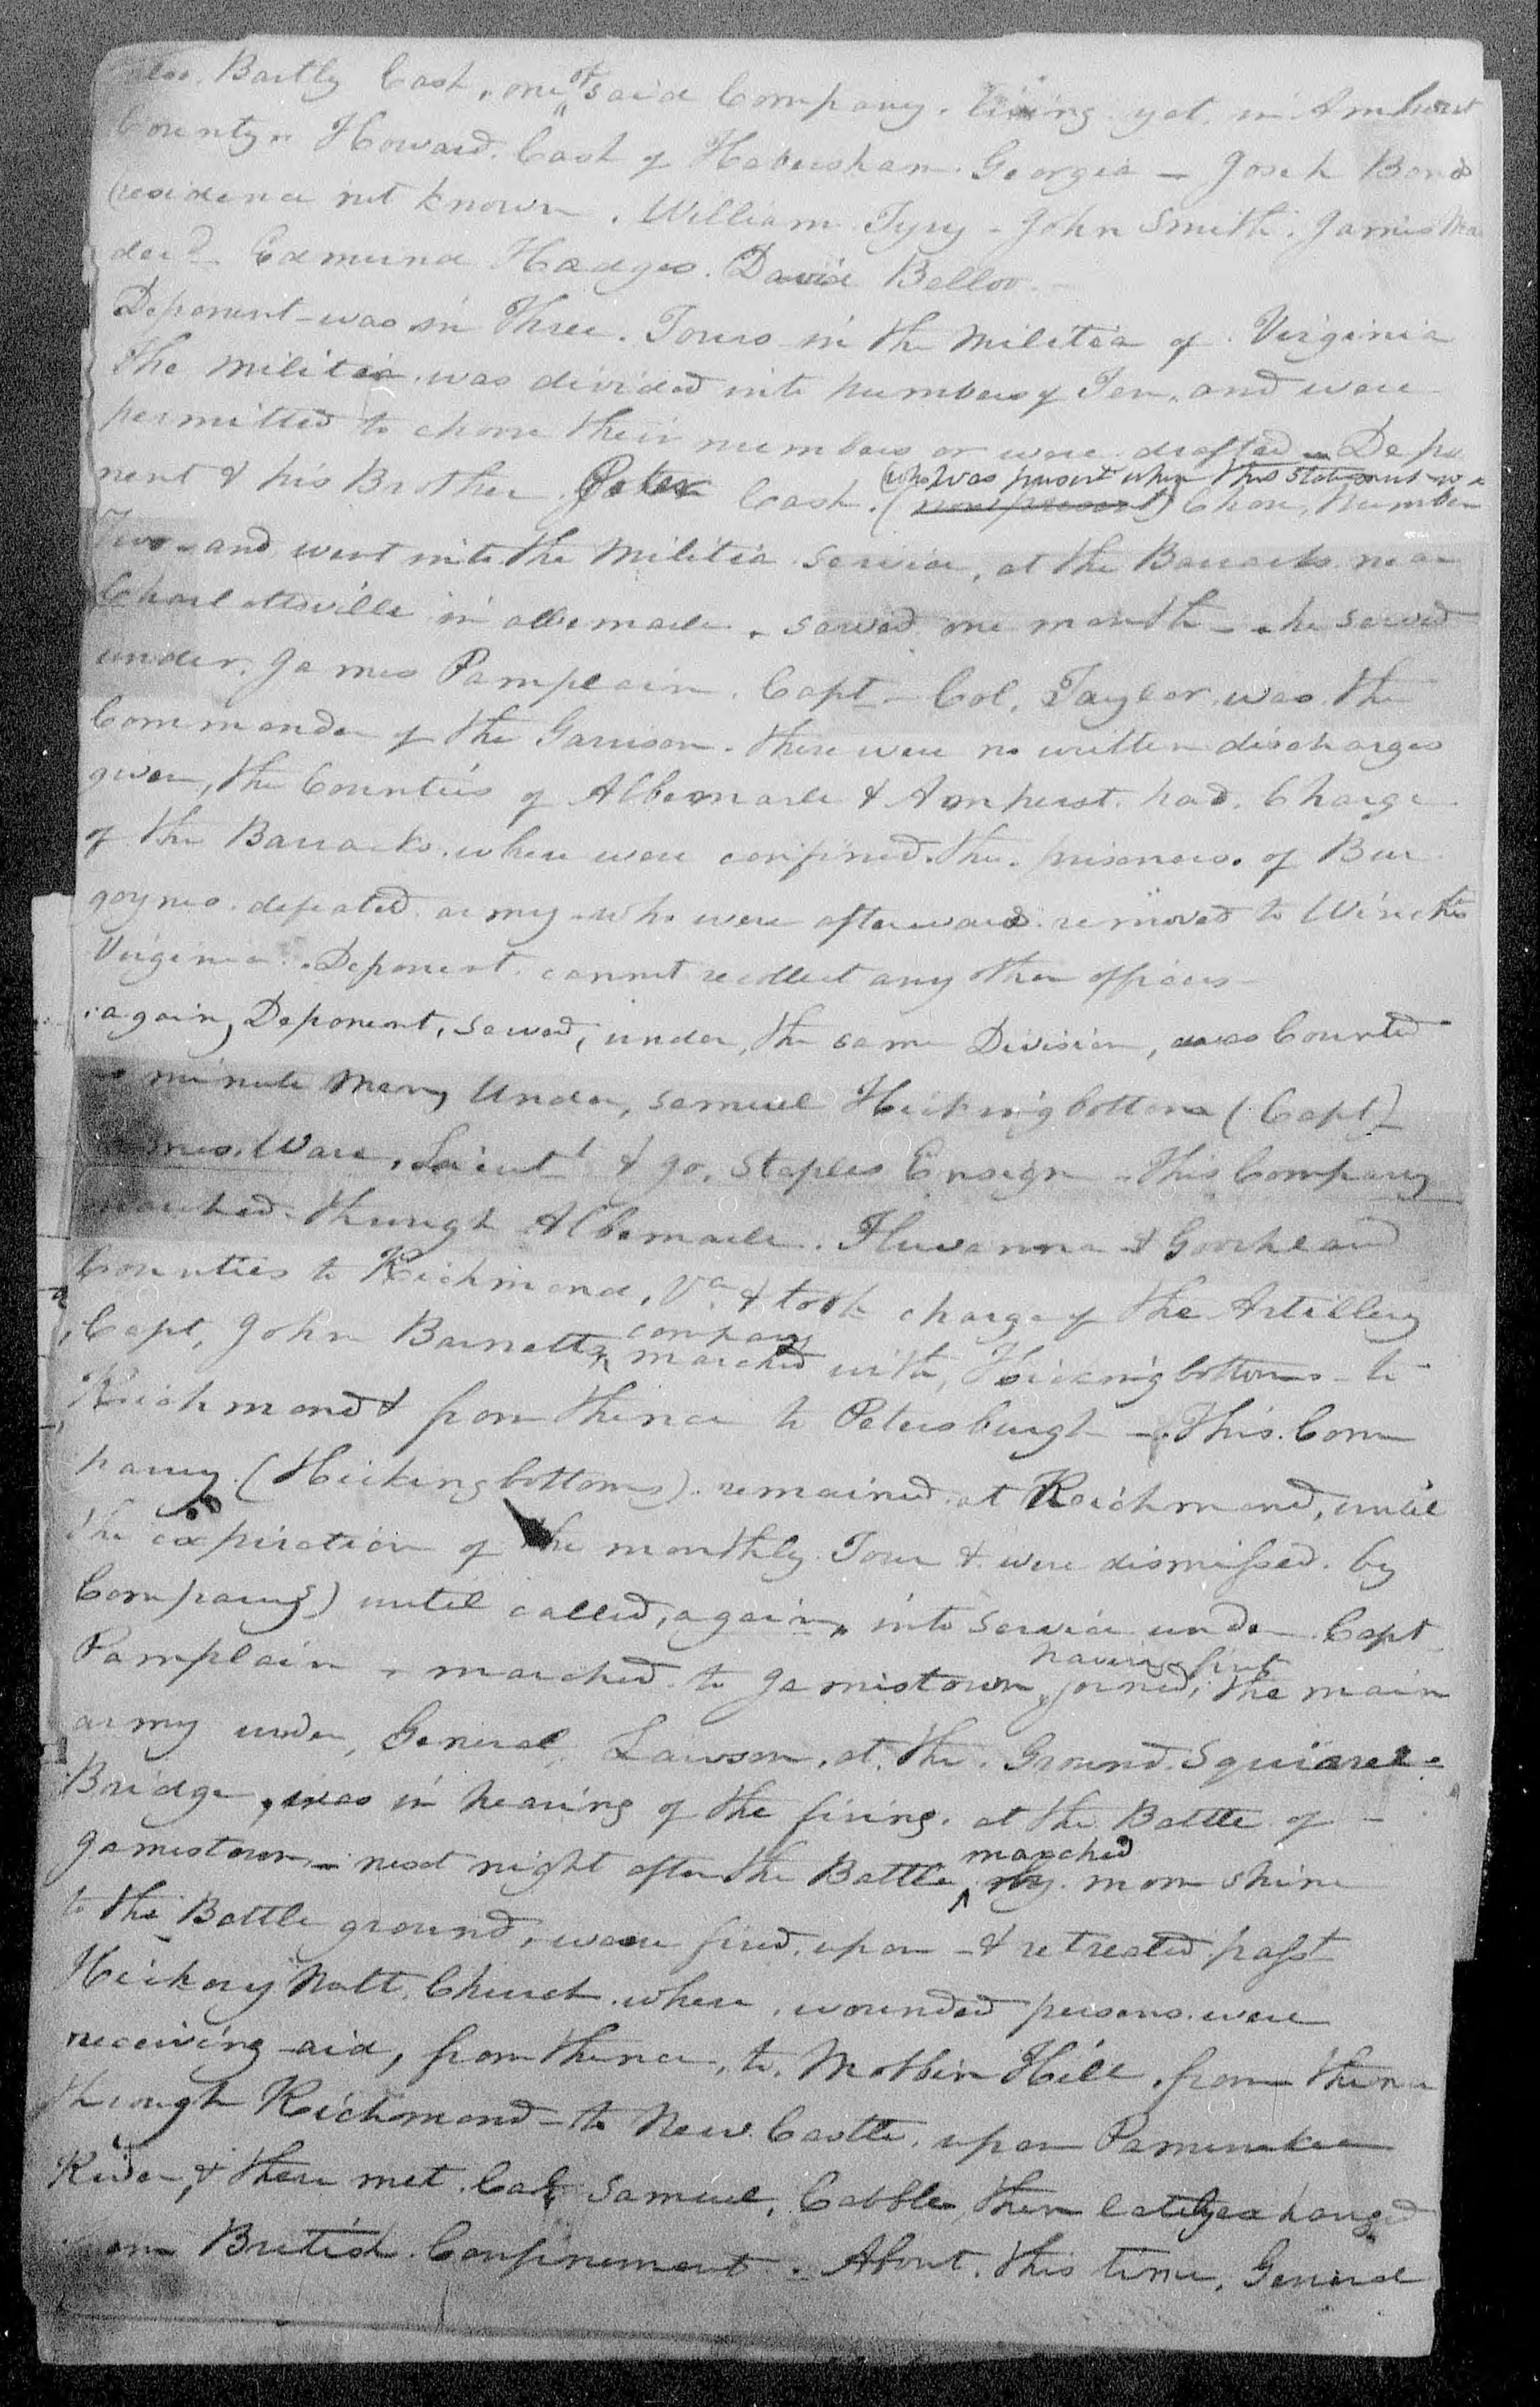Bartley East, on said Company living yet in her County. Howard Cash of Habersham, Georgia - Joseh Bord, residence not known, William Tyry- John Smith, James Ware,  Edmund Hadges, David Bellor. Deponent was in Three Tours in the militia of Virginia. 
The militia was divided into number of Ten and were
permitted to choose their numbers or were drafted So deponent & his Brother Peter Cash and who was present when this statement was given, went into the Militia service, at the Barrack near Charlotteville in Albemarle, served one month he served
under James Pamplain, Capt., Col. Taylor was the Commander of the Garrison, there were no written discharges in the Counties of Albemarle & Amherst, had charge
of the Barracks, where were confirmed the prisoners of Burgoyne or defeated or many who were afterward removed to Winchester, Virginia. Deponent cannot recollect any other officers.
Deponent, served, under the same Division, was counted 
__ man, under Samuel Hickingbottom (Capt), James Ware,  Stepens Ensign. This Company had marched through Albemarle Hanna & Goochland
Counties to Richmond, Va & took charge of the Artillery. Capt. John Barnett company marched 
 with Hickingbottom remained at Richmond, from thence to Petersburg until the expiration of the monthly tour & were dismissed by Company until called again into service under Capt
Pamplain  and marched to Jamestown having first joined the main army under General Lawson, at the Ground Square Bridge, was in hearing of the firing at the Battle of Jamestown, next night after the Battle marched by moonshine to the Battle ground, were fired upon & retreated past
Hickory Nott Church, where wounded persons were receiving aid, from thence to Mother Hill, from thence through Richmond to New Castle upon ____
River, & then met Col Samuel Cabble then____hanged
British Confinement. About this time, General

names: James Pamplain, James Ware, Taylor, Edmund Hadges, Lawson, Mary, Howard Cash, Stepens, James, David Bellor, Samuel Hickingbottom, John Smith, Pamplain, Bartly Cash, Joseh Bord, Samuel Cabble, Peter Cash, William Tyry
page: 4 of 73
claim: widow's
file: W. 5,894, John Cash, Va.